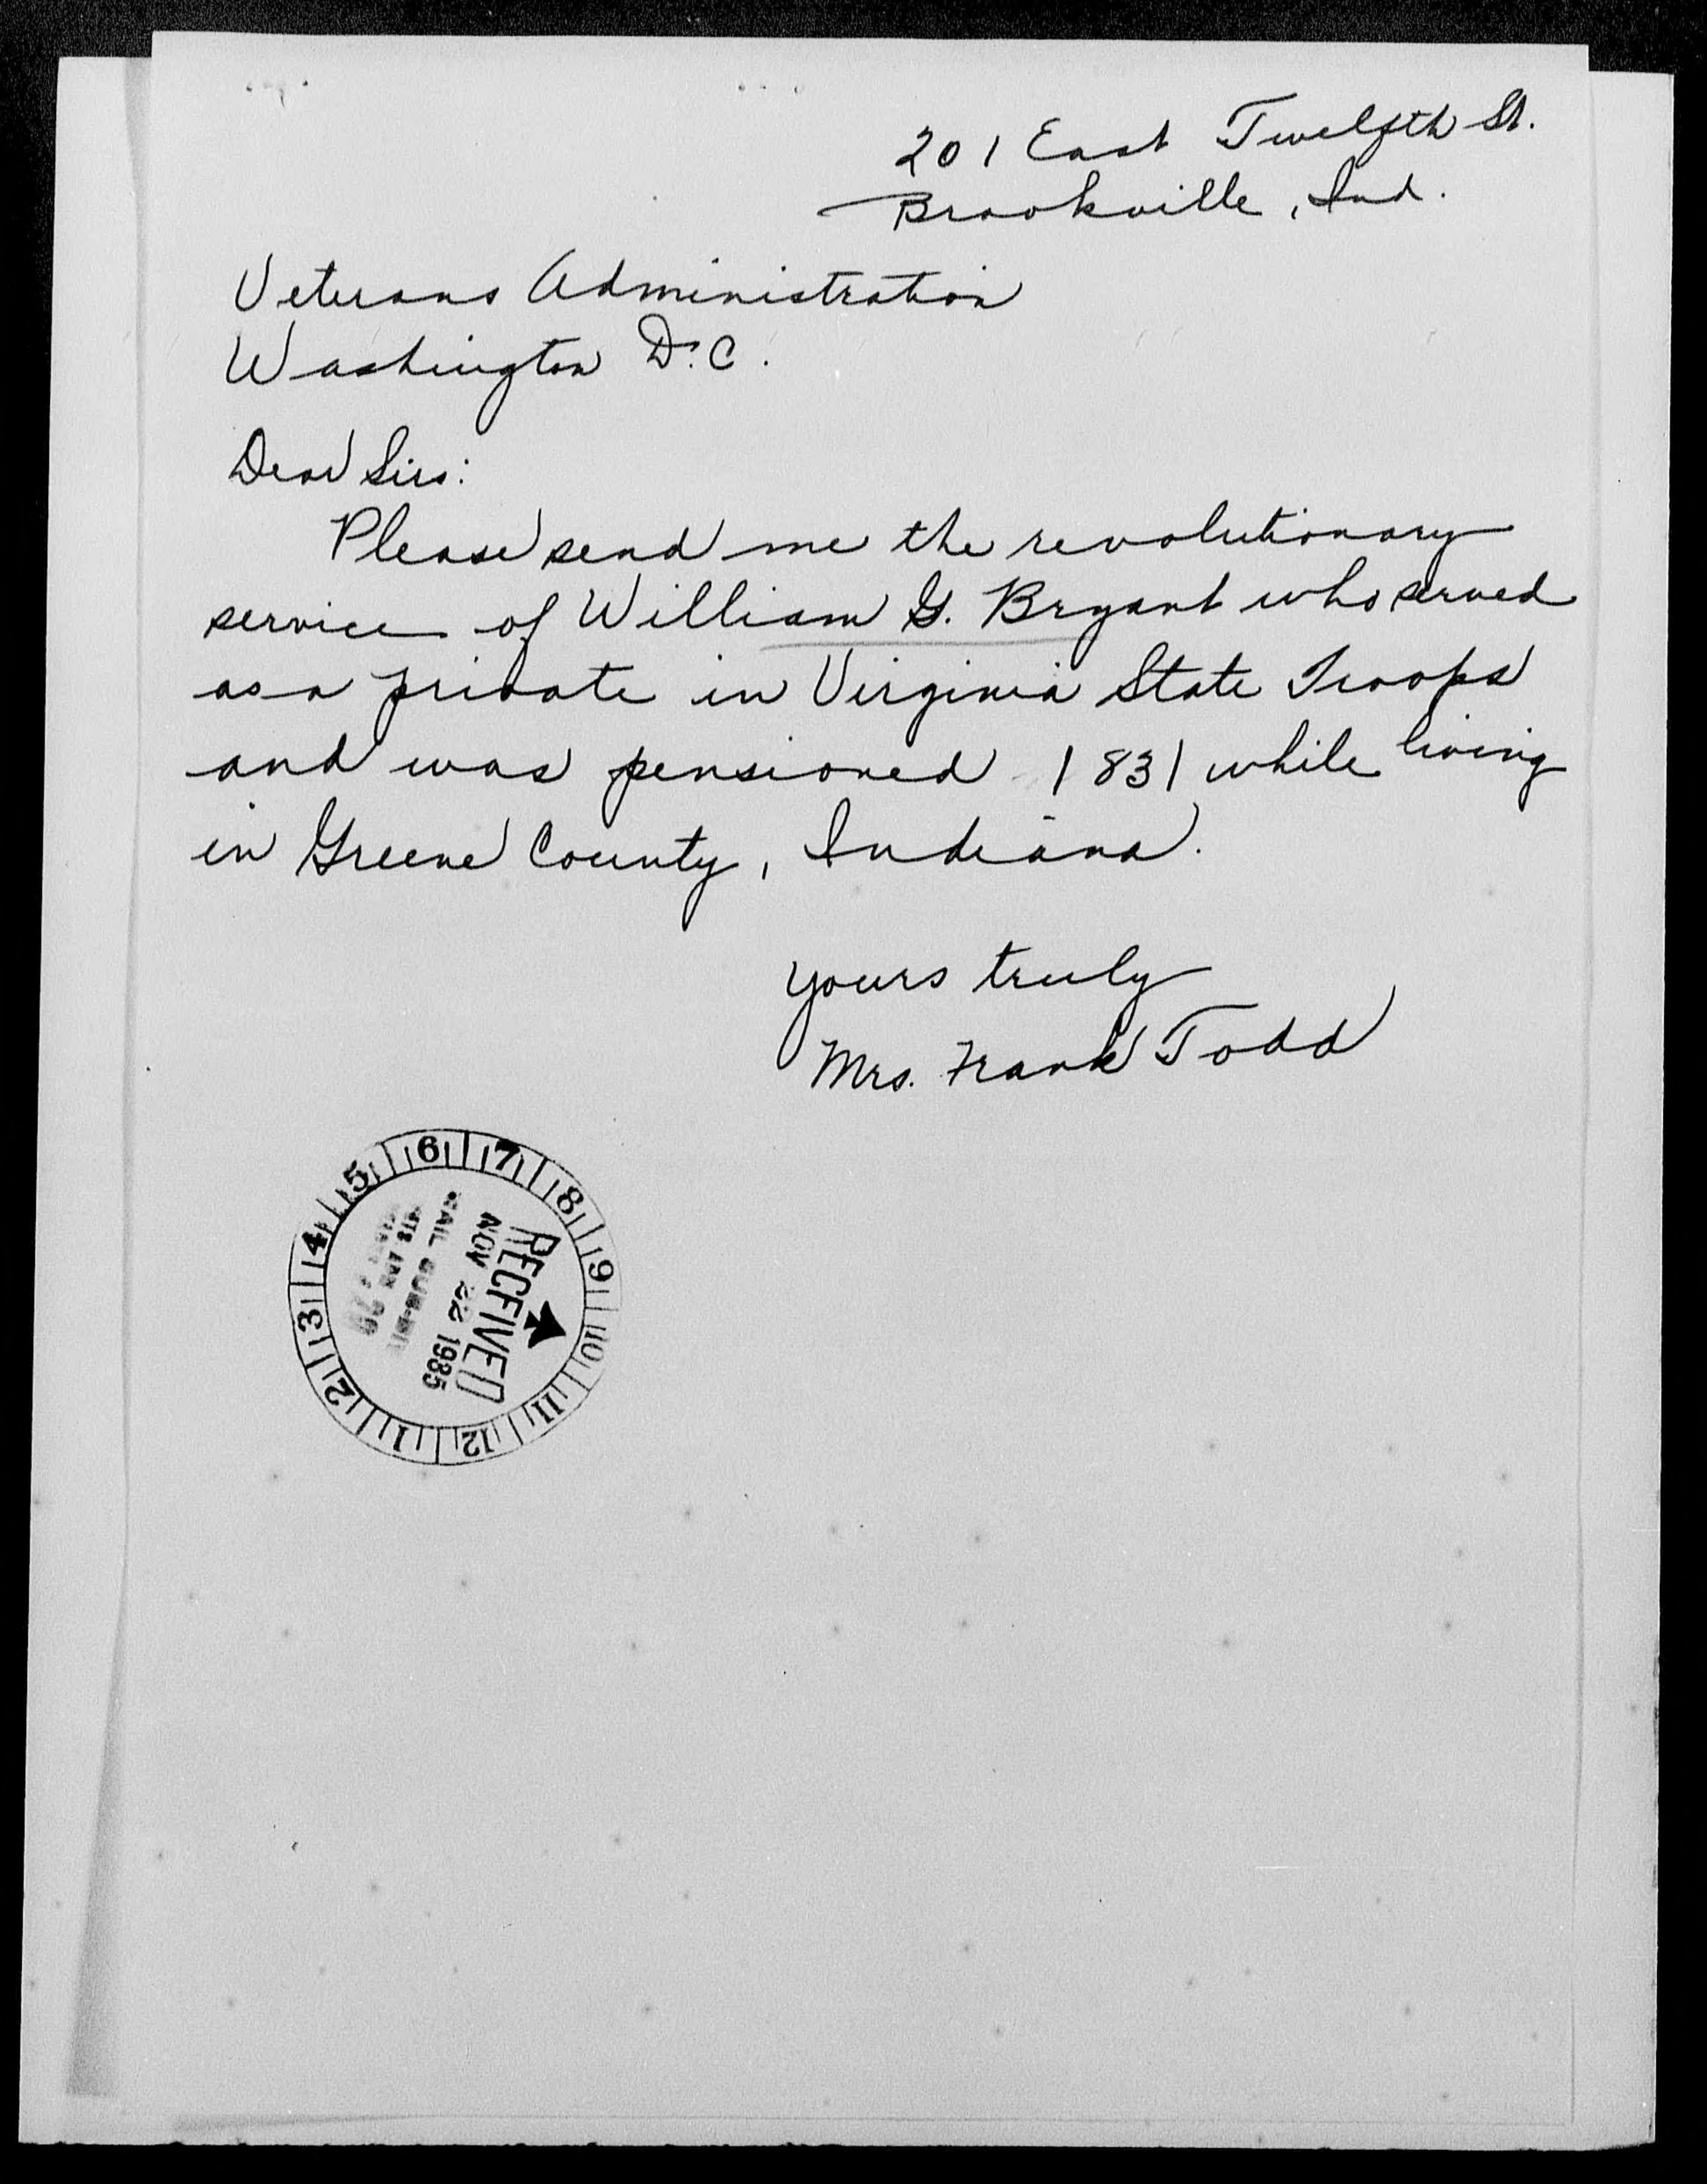201 East Twelfth St.
Brookville, Ind
Veterans Administration
Washington D.C.
Dear Sirs:
Please send me the revolutionary
service of William G. Bryant who served
as a private in Virginia State Troops
and was pensioned 1831 while living
in Greene County, Indiana.
Yours truly
Mrs. Frank Todd
[stamp Nov.22, 1985]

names: Frank Todd, William G Bryant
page: 29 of 31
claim: survivor's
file: S. 3049, William G Bryant, Va.